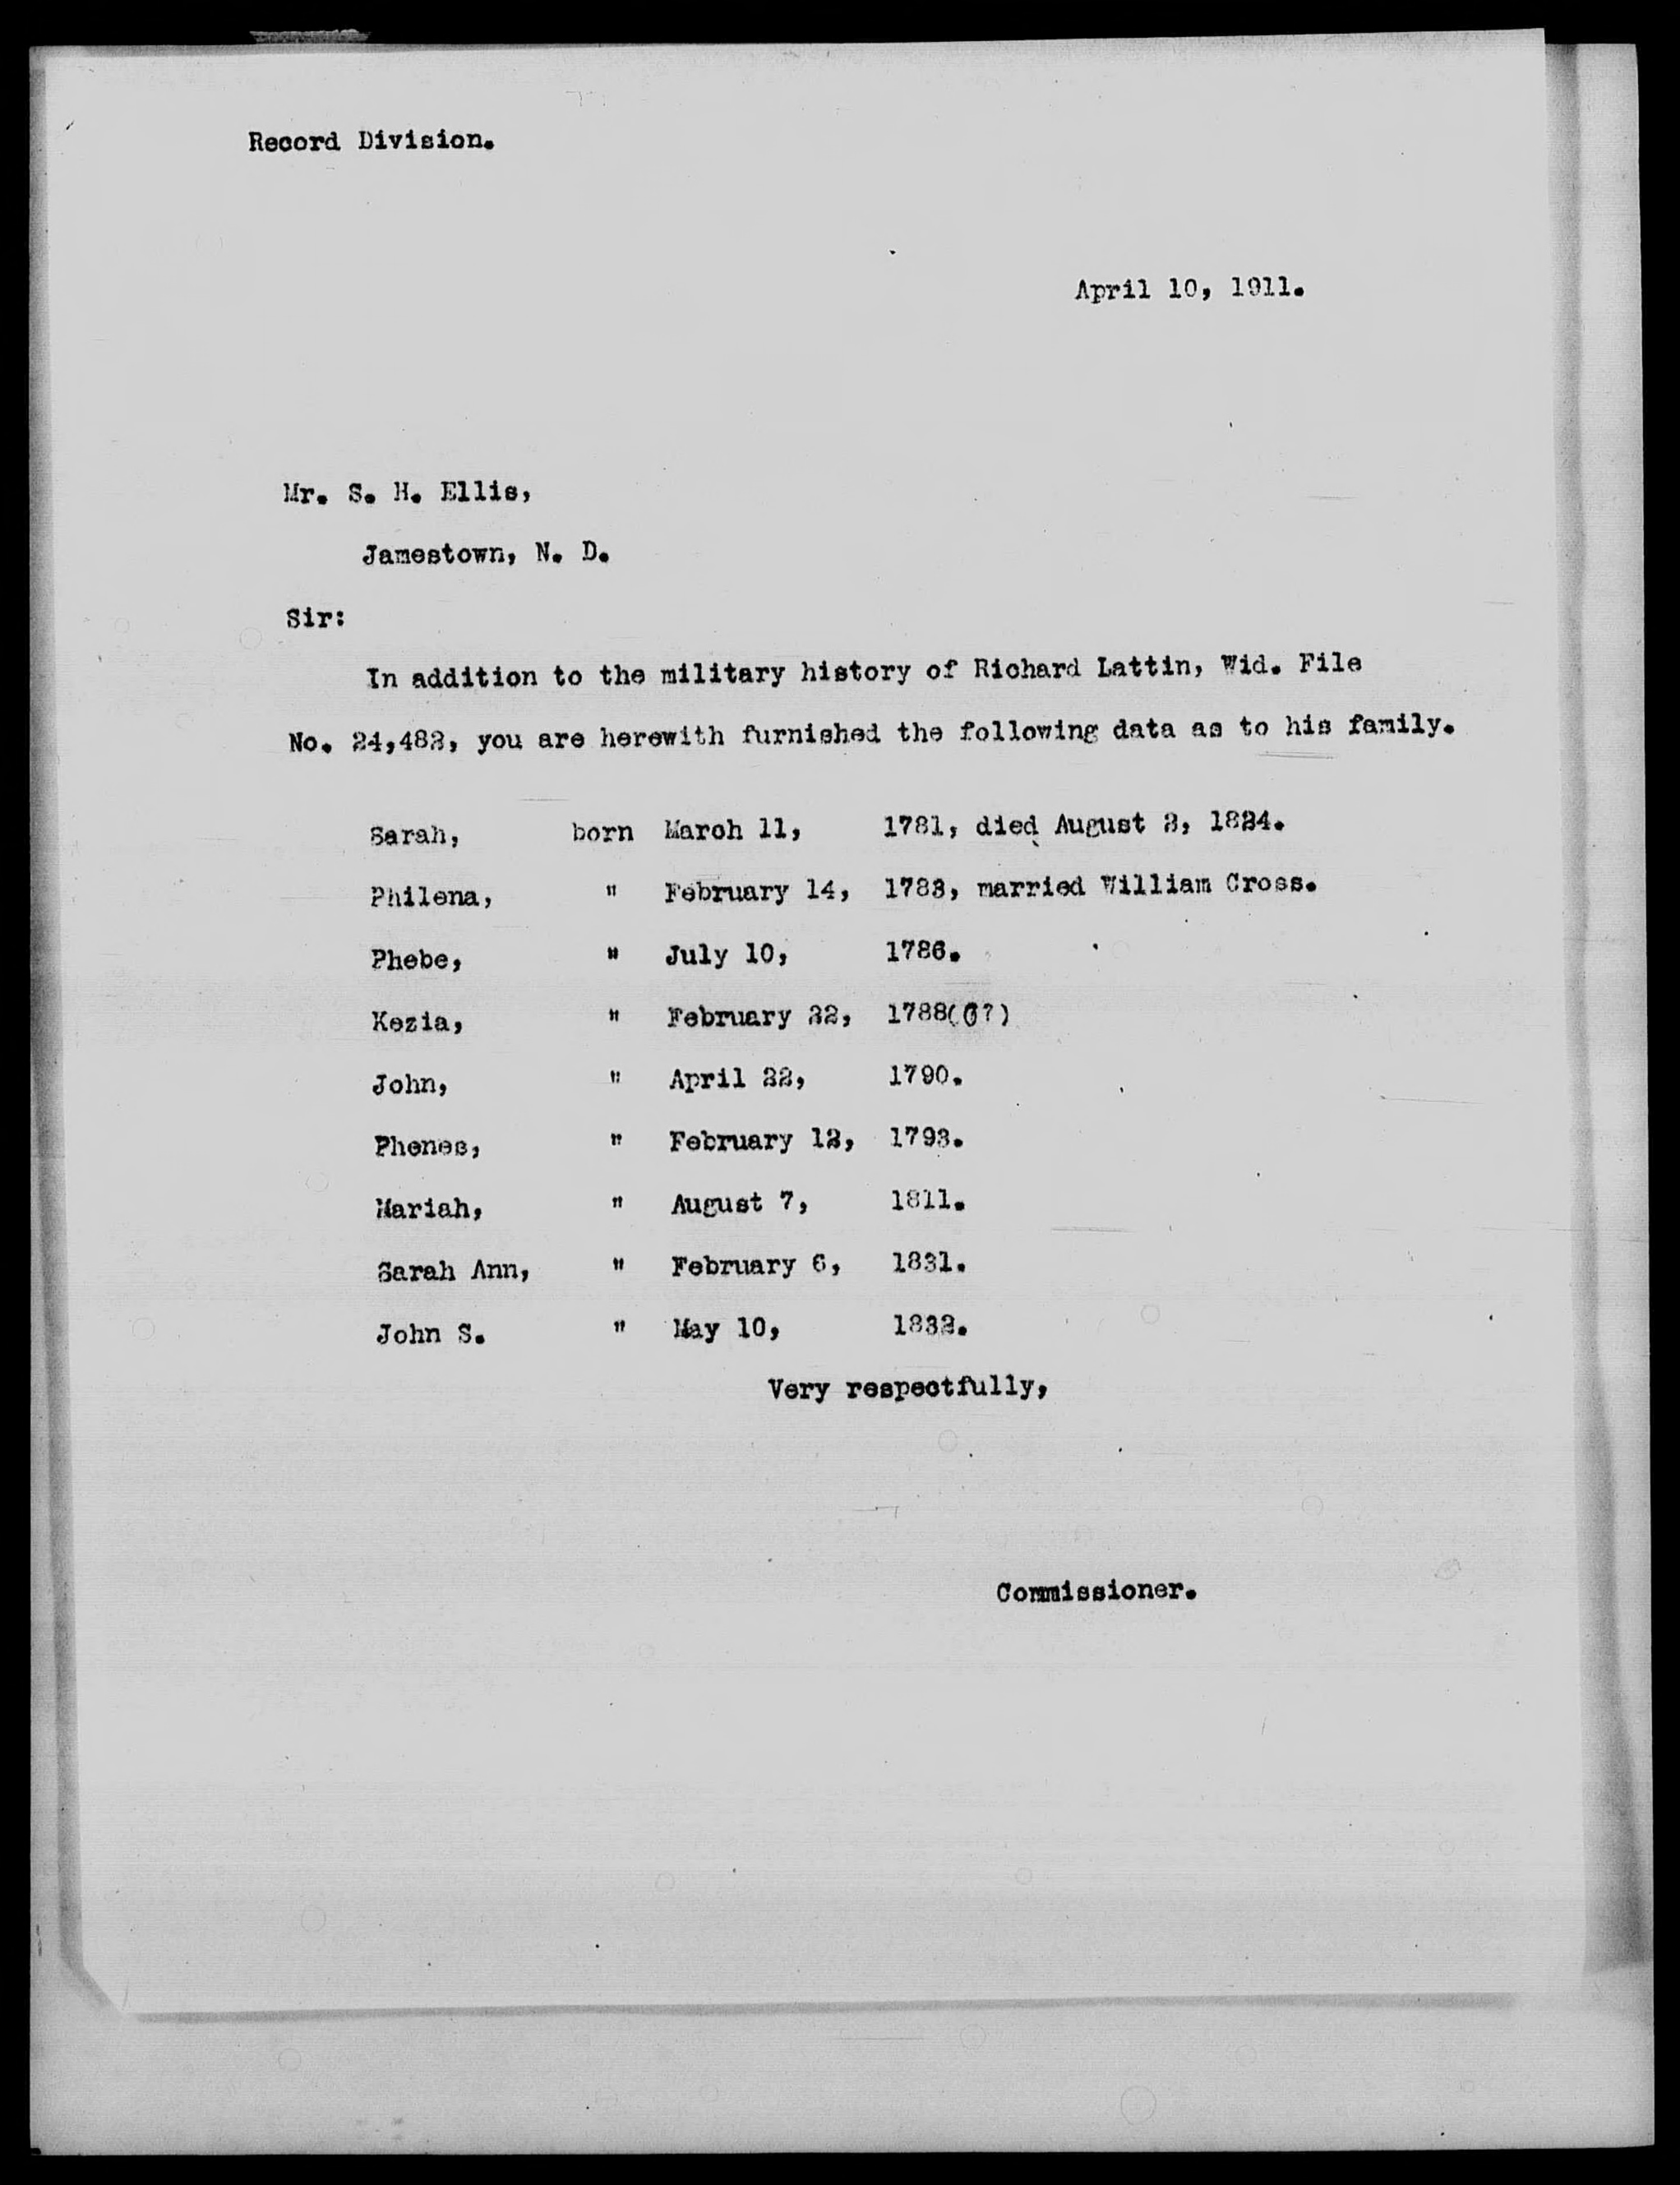Record Division.
April 10, 1911.

Mr. S. H. Ellis,
Jamestown, N. D.

Sir:
In addition to the military history of Richard Lattin, Wid. File
No. 24, 482, you are herewith furnished the following data as to his family.

Sarah, born March 11, 1781, died August 2, 1824.
Philena, born February 14, 1783, marries William Cross.
Phebe, born July 10, 1786.
Kezia, born February 22, 1788 (?) 
John, born April 22, 1790.
Phenes, born February 12, 1793.
Mariah, born August 7, 1811.
Sarah Ann, born February 6, 1831.
John S., born May 10, 1832.

Very respectfully,
Commissioner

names: Sarah Ann [BLANK]; John S [BLANK]; Richard Lattin; Kezia [BLANK]; Mariah [BLANK]; John [BLANK]; Phenes [BLANK]; Phebe [BLANK]; S H Ellis; Philena [BLANK]; William Cross; Sarah [BLANK]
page: 26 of 99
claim: widow's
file: W. 24,482, for Richard Lattin, Vermont